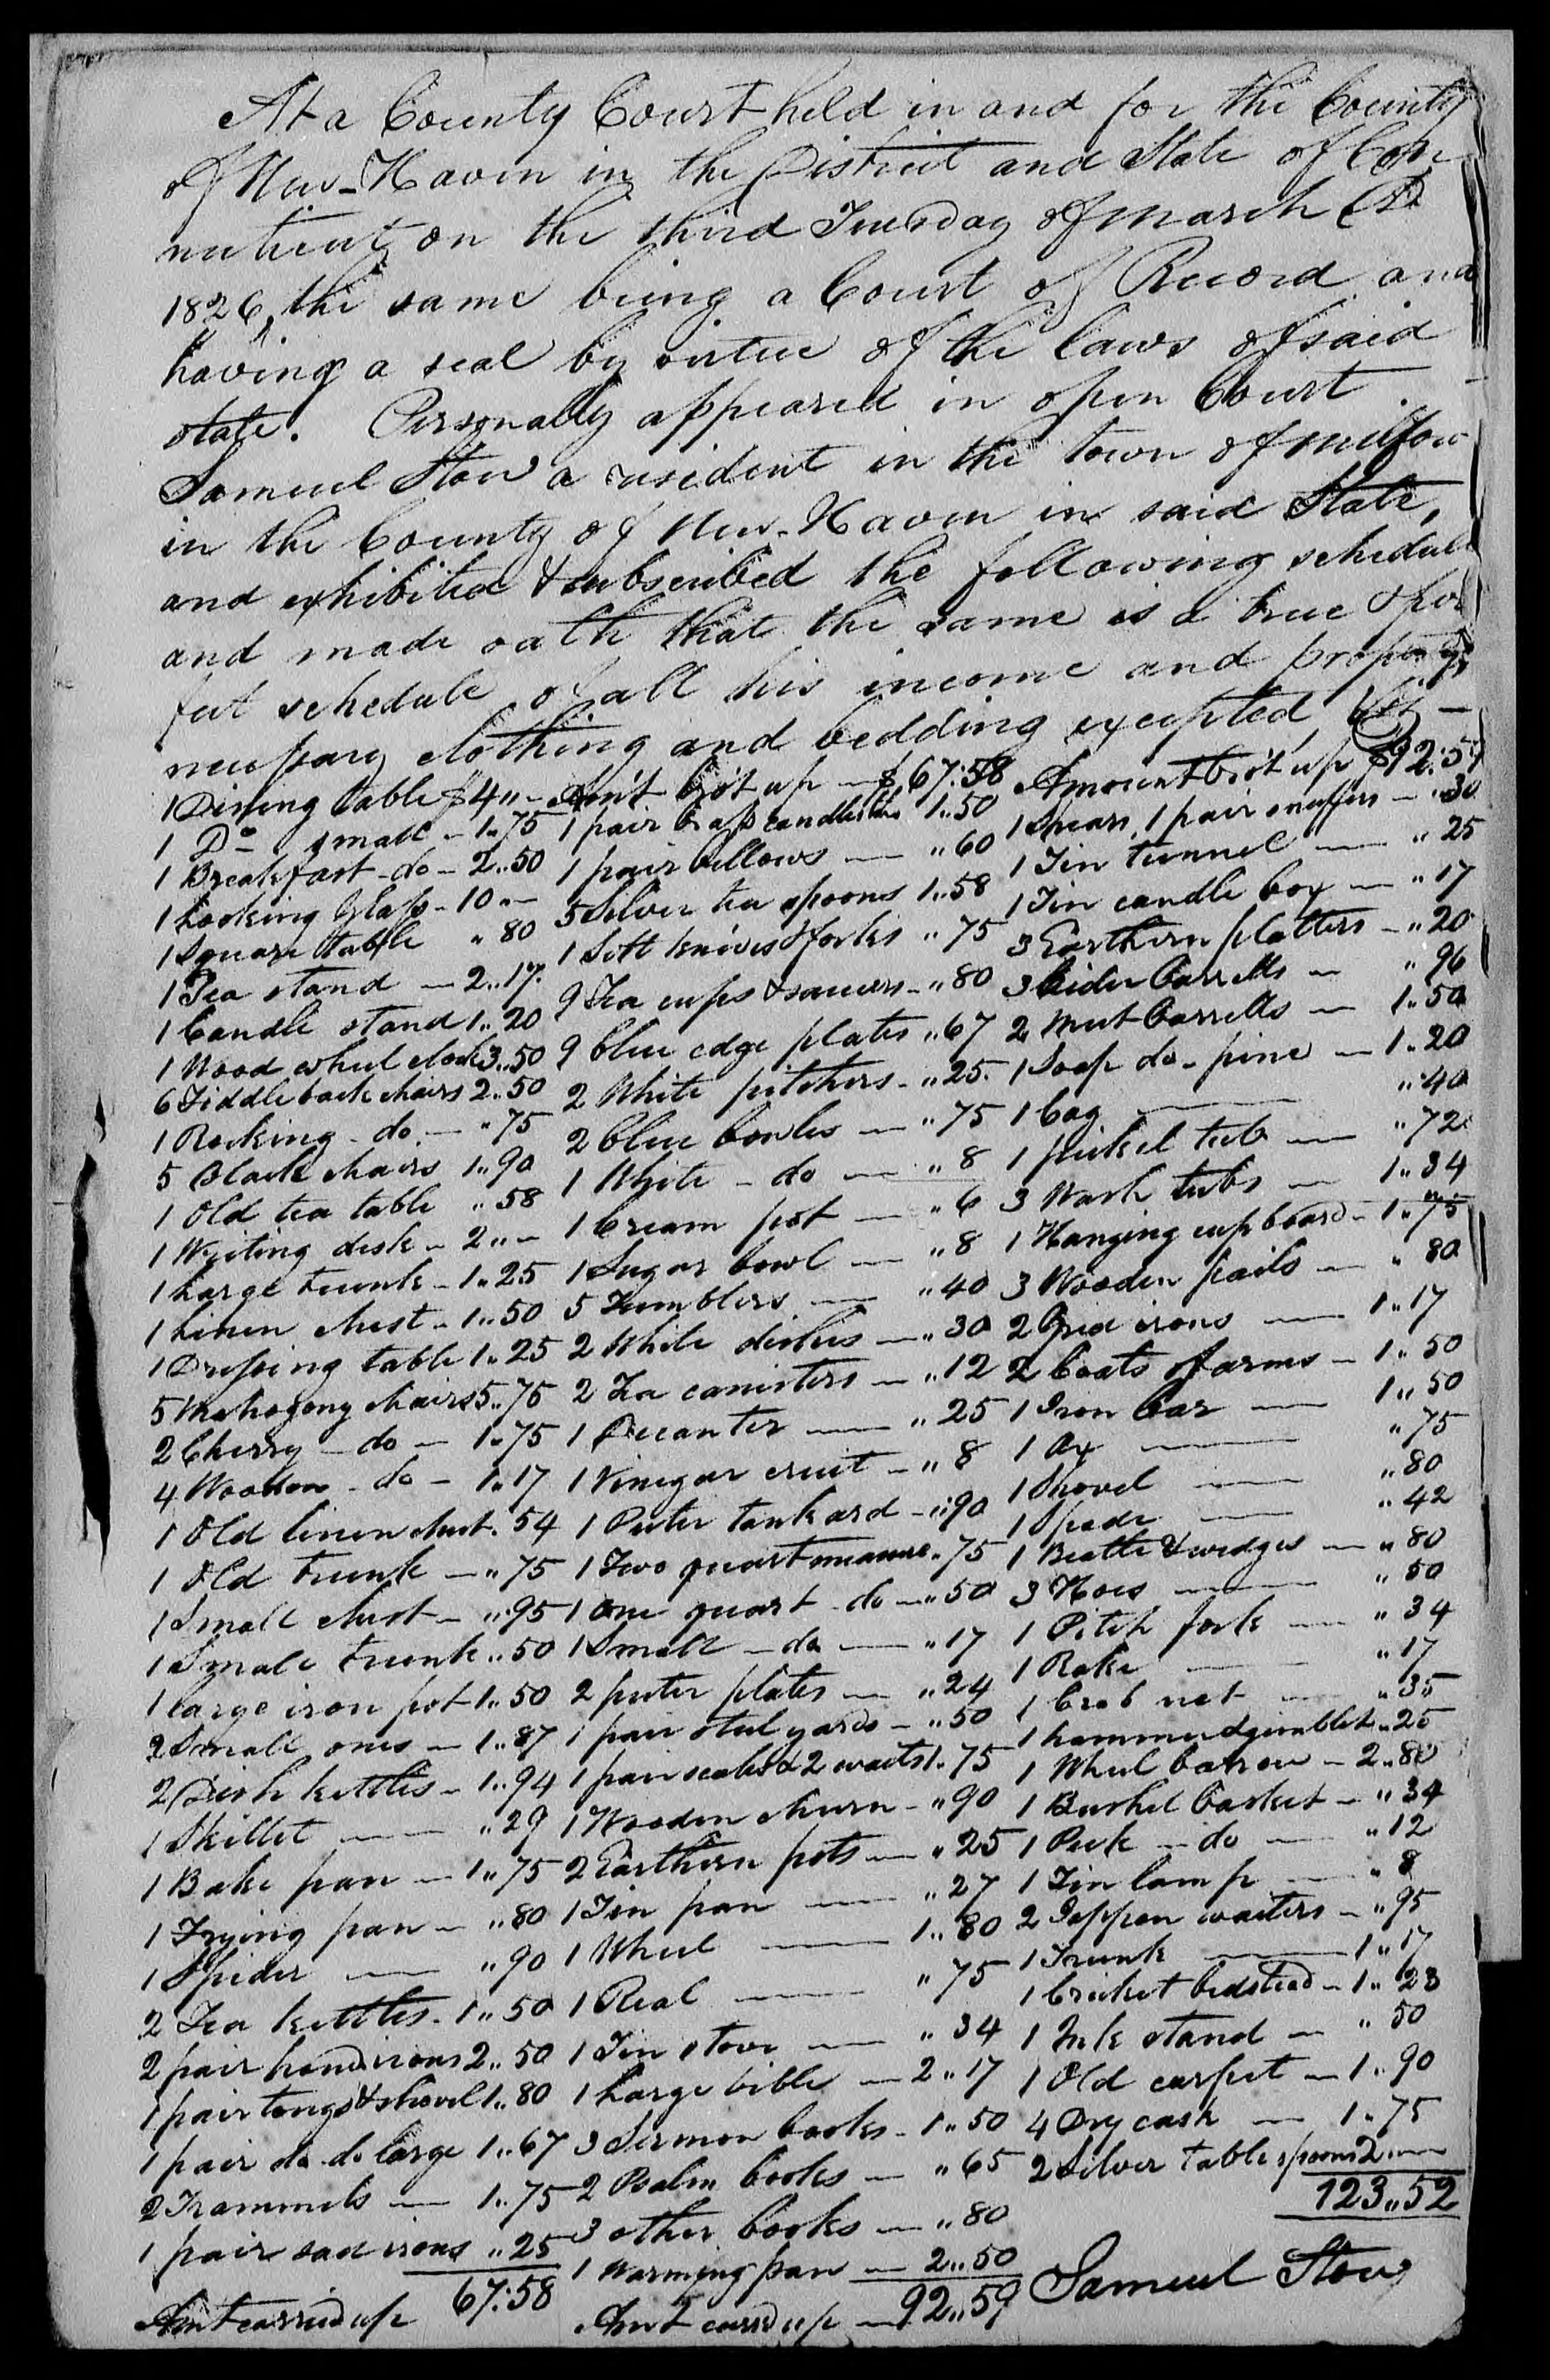At a County Court held in and for the County
of New Haven in the District and State of Connecticut on the third Tuesday of March A.D. 1826, the same being a Court of Record and having a seal by virtue of the laws of said
State. Personally appeared in open Court
Samuel Stow a resident in the town of Milford
in the County of New Haven in said State
and exhibited & subscribed the following schedule and made oath that the same is a true & perfect schedule of all his income and property, necessary clothing and bedding excepted, viz. -
[First column]
1 Dining table - $4.00
1 dining table, small - $1.75
1 breakfront, small - $2.50
1 looking glass - 10.00
1 square table - $0.80
1 tea stand - $2.17
1 Candle stand - $1.20
1 Wood Wheel clock - $3.50
6 Fiddleback chairs - $2.50
1 Rocking chair - $0.75
5 black chairs - $1.90
1 Old tea table - $.0.58
1 Writing desk - $2.00
1 Large trunk - $1.25
1 Linen chest - $1.50
1 Drafting table - $1.25
5 Mahogany chairs - $5.75
2 Cherry chairs - $1.75
4 Wooden chairs - $1.17
1 Old linen chest - $0.54
1 Old trunk - $0.75
1 Small chest - $0.95
1 Small trunk - $0.50
1 large iron pot - $1.50
2 Small ones - $1.87
2 Dish kettles - $1.94
1 Skillet - $0.29
1 Bake pan - $1.75
1 Frying pan - $0.80
1 Spider - $0.90
2 Tea kettles - $1.50
2 pair hand irons - $2.50
1 pair tongs & shovel - $1.80
1 pair tongs & shovel - large - $1.67
2 Trammels - $1.75
1 pair sadirons - $0.25
Amount tallied up [first column]  - $67.58

[Second column]
Am't brought up - $67.58
1 pair brass candlesticks - $1.50
1 pair bellows - $0.60
5 Silver tea spoons - $1.58
1 Sett knives & forks - $0.75
9 Tea cups & saucers - $0.80
9 blue edge plates - $0.67
2 White pitchers - $0.25
2 blue bowls - $0.75
1 White bowl - $0.08
1 Cream pot - $0.06
1 Sugar bowl - $0.08
5 Tumblers - $0.40
2 White dishes - $0.30
2 Tea cannisters - $0.12
1 Decanter - $0.25
1 Vinegar cruet - $0.08
1 Pewter tankard - $0.90
2 quart measures - $0.75
1 quart measure - $0.50
1 Small quart measure - $0.17
2 pewter plates - $0.24
1 pair steel yards - $0.50
1 pair scales & 2 weights - $1.75
1 Wooden churn - $0.90
2 Earthen pots - $0.25
1 Tin pan - $0.27
1 Wheel - $1.80
1 Reel - $0.75
1 Tin stove - $0.34
1 Large bible - $2.17
3 Sermon books - $1.50
2 Psalm books - $0.65
3 other books - $0.80
1 Warming pan - $2.50
Am't. carried up - $92.59

[Third Column]
Amount brought up - $92.59
1 Shears 1 pair snuffers - $0.30
1 Tin tunnel - $0.25
1 Tin candle box - $0.17
3 Earthen platters - $0.20
3 Cider Barrels - $0.96
2 Meat Barrels - $1.50
1 Soap barrel - pine - $1.20
1 Bag - $0.40
1 pickle tub - $0.72
3 Wash tubs - $1.34
1 Hanging cupboard - $1.75
3 Wooden pails - $0.80
2 Grid irons - $1.17
2 Coats of Arms - $1.50
1 Iron bar - $0.75
1 Ax - $0.75
1 Shovel - $0.80
1 Spade - $0.42
1 Beetle & wedges - $0.80
3 Hoes - $0.50
1 Pitchfork - $0.34
1 Rake - $0.17
1 Crab net - $0.35
1 hammer & gimlet - $0.25
1 Wheelbarrow - $2.80
1 Bushel basket - $0.34
1 Peck basket - $0.12
1 Tin lamp - $0.08
2 Jappan waiters - $0.95
1 Trunk - $1.17
1 Cricket bedstead - $1.23
1 Ink stand - $0.50
1 Old carpet - $1.90
4 Dry cask - $1.75
2 Silver tablespoons - $2.00
[Total] $123.52
[signed] Samuel Stow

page: 4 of 42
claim: survivor's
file: S. 36,819, for Samuel Stow, Connecticut